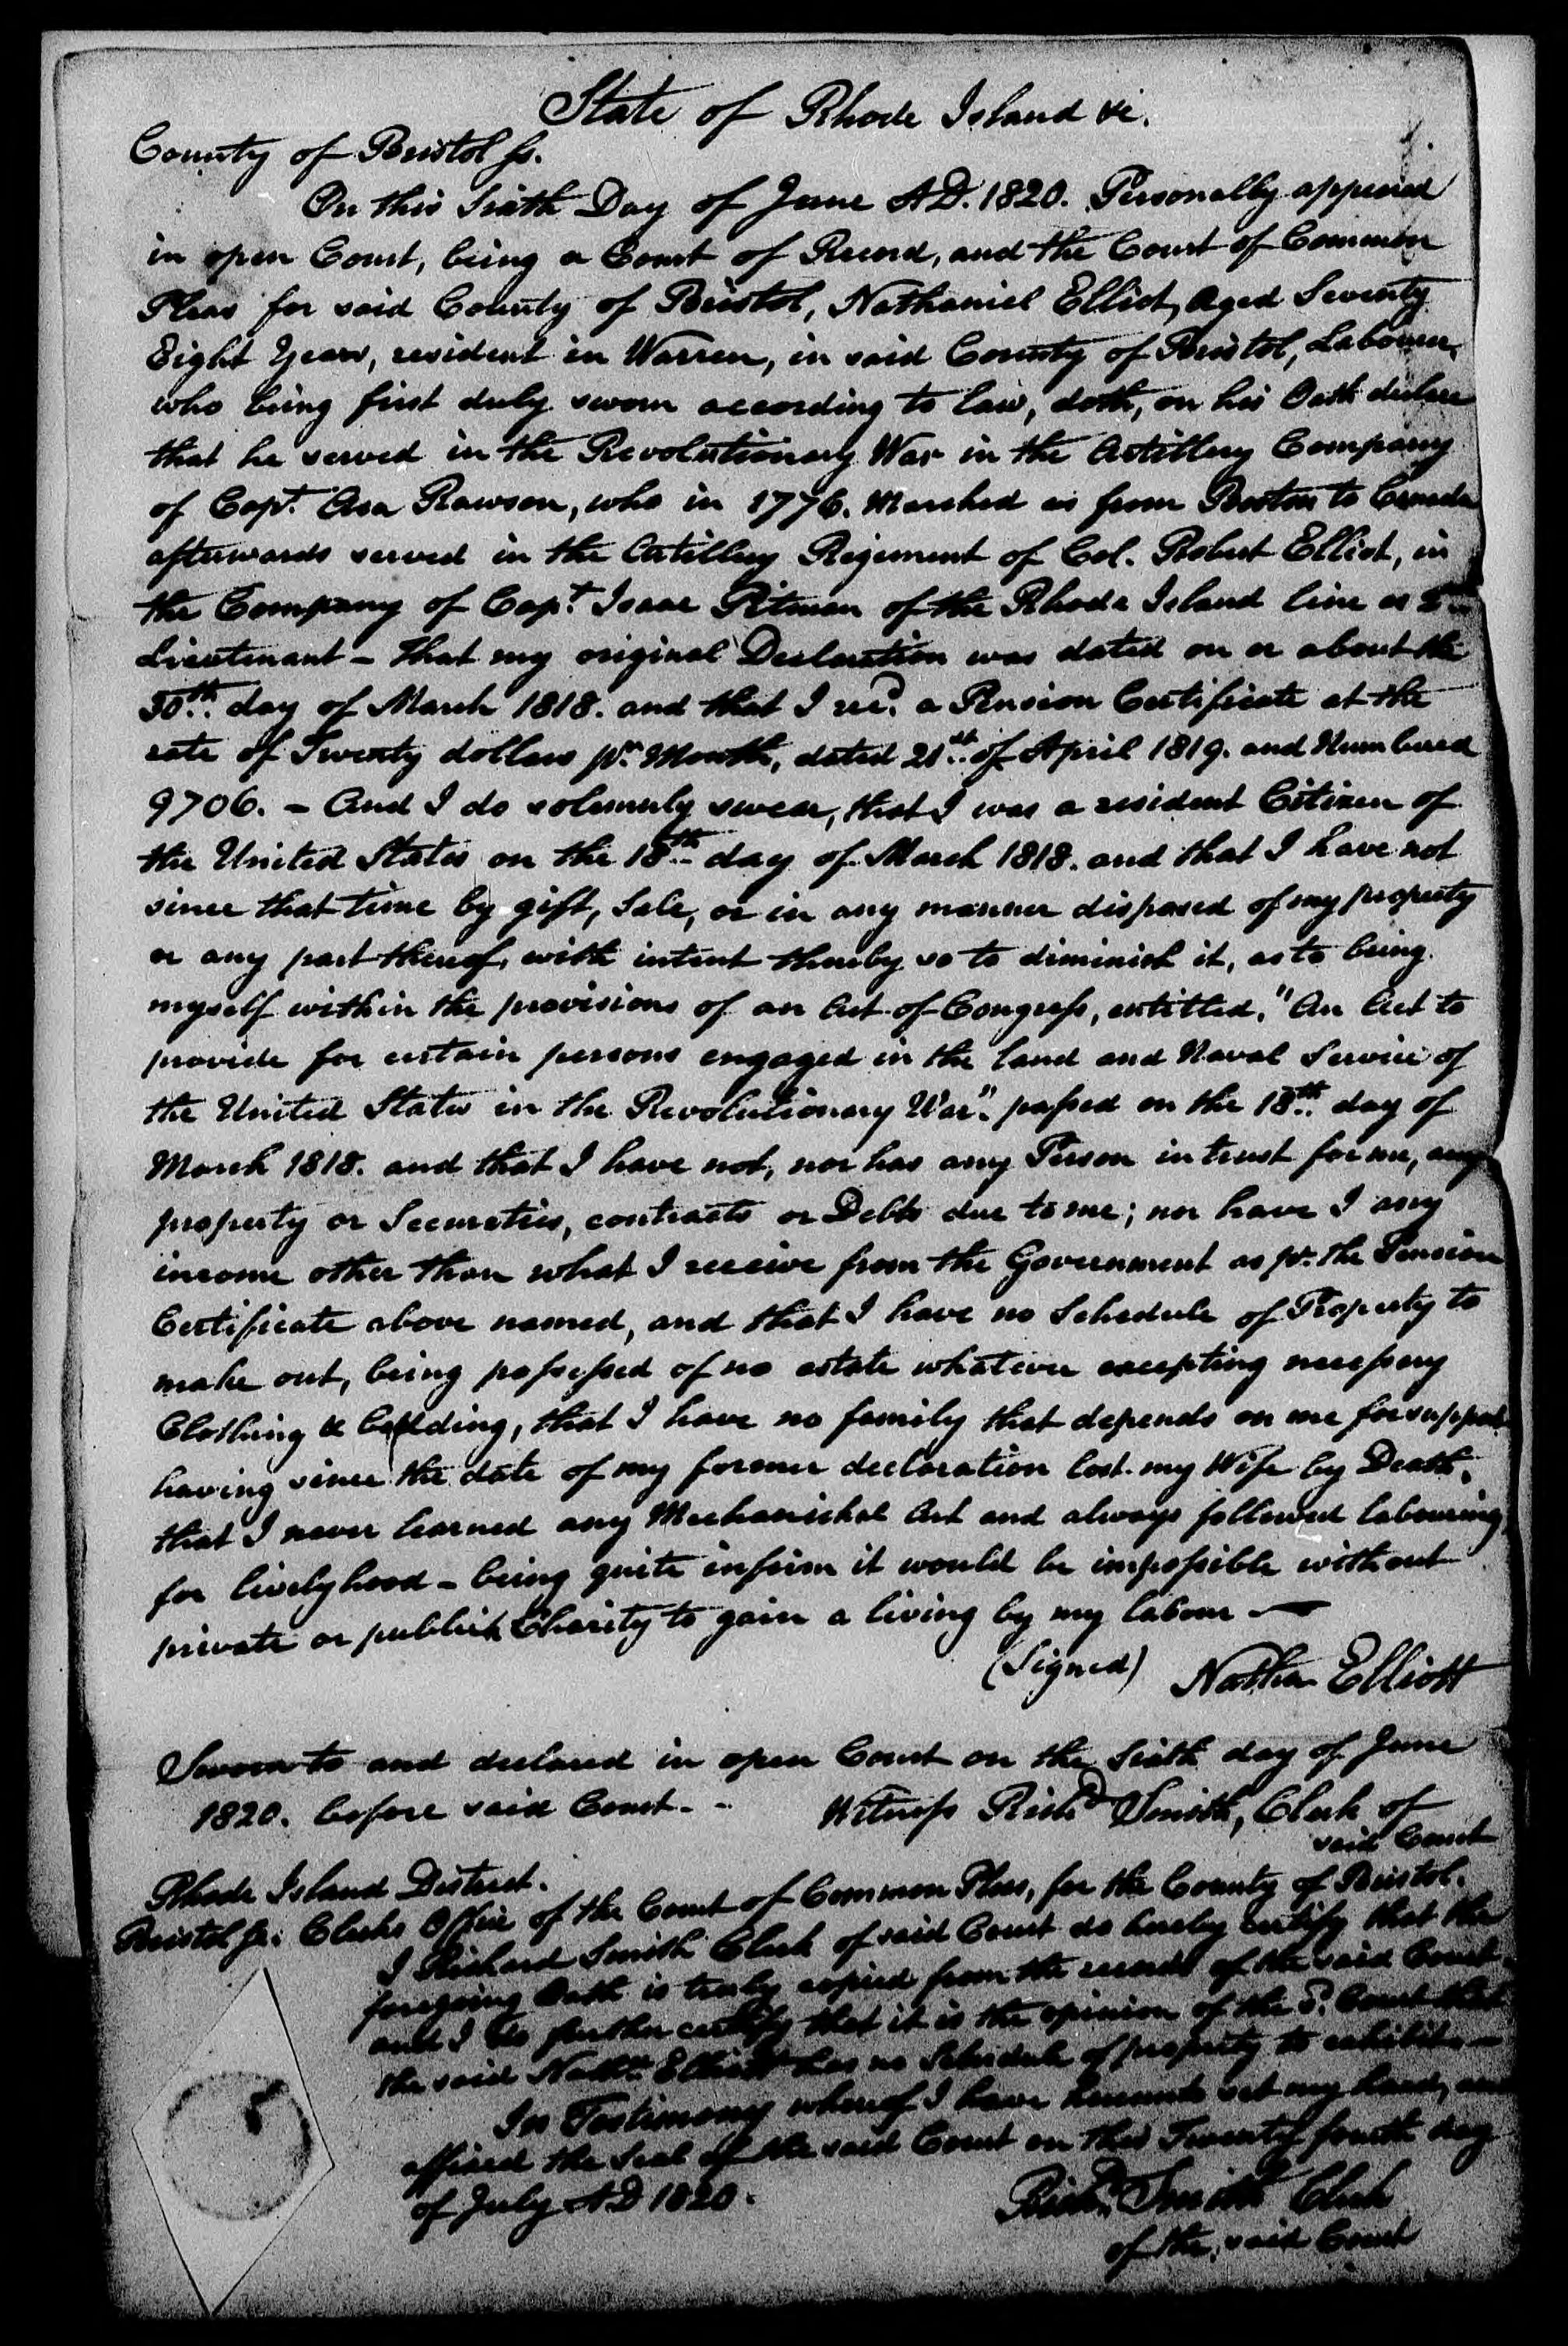State of Rhode Island &c
County of Bristol Ss.
On this sixth day of June A. D. 1820. Personally appeared
in open Court, being a Court of Record, and the Court of Common
Pleas for said County of Bristol, Nathaniel Elliot aged Seventy
Eight years, resident in Warren, in said County of Bristol, Labourer
who being first duly sworn according to law, doth, on his Oath declare
that he served in the Revolutionary War in the Artillery Company
of Capt. Asa Rawson, who in 1776 marched as from Boston to Canada
afterwards served in the Artillery Regiment of Col. Robert Elliot, in
the Company of Capt. Isaac Pitman of the Rhode Island line as 2d
Lieutenant. That my original Declaration was dated on or about the
30th day of March 1818 and that I rec’d. a Pension Certificate at the
rate of Twenty dollars per month, dated 21st of April 1819 and numbered
9706. - And I do solemnly swear, that I was a resident Citizen of
the United States on the 18th day of March 1818 and that I have not
since that time by gift, sale, or in any manner disposed of my property 
or any part thereof, with intent thereby so to diminish it as to bring
myself within the provisions of an act of Congress, entitled, "An Act to
provide for certain persons engaged in the Land and Naval Service of
the United States in the Revolutionary War" passed on the 18th day of
March 1818 and that I have not, nor has any person in trust for me, any
property or securities, contracts or debts due to me; nor have I any
income other than what I receive from the Government as per the Pension
Certificate above named, and that I have no schedule of property to
make out, being possessed of no estate whatever excepting necessary
Clothing & bedding, that I have no family that depends on me for support
having since the date of my former declaration lost my wife by Death. 
That I never learned any mechanical art and always followed labouring
for livelyhood, being quite infirm it would be impossible without
private or public charity to gain a living by my labour.
(Signed ) Nathan Elliott
Sworn to and declared in open Court on the sixth day of June
1820, before said Court.   Witness Richd Smith Clerk of said Court
Rhode Island District.
Bristol Ss. Clerks Office of the Court of Common Pleas, for the County of Bristol.
I Richard Smith Clerk of said Court do hereby certify that the 
foregoing oath is truly copied from the records of the said Court
and I do further certify that it is the opinion of the sd. Court 
that the said Nath’l. Elliott has no Schedule of property to [illegible]
In Testimony whereof I have hereunto set my hand, and 
affixed the seal of the said Court on this Twenty fourth day
of July A. D. 1820
Richard Smith Clerk
of the said Court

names: Richd Smith, Isaac Pitman, Natha Elliott, Asa Rawson, Richard Smith, Richd Smith, Nathl Elliott, Nathaniel Elliot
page: 6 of 29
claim: survivor's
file: S. 38679, Nathaniel Elliot, Continental R.I.